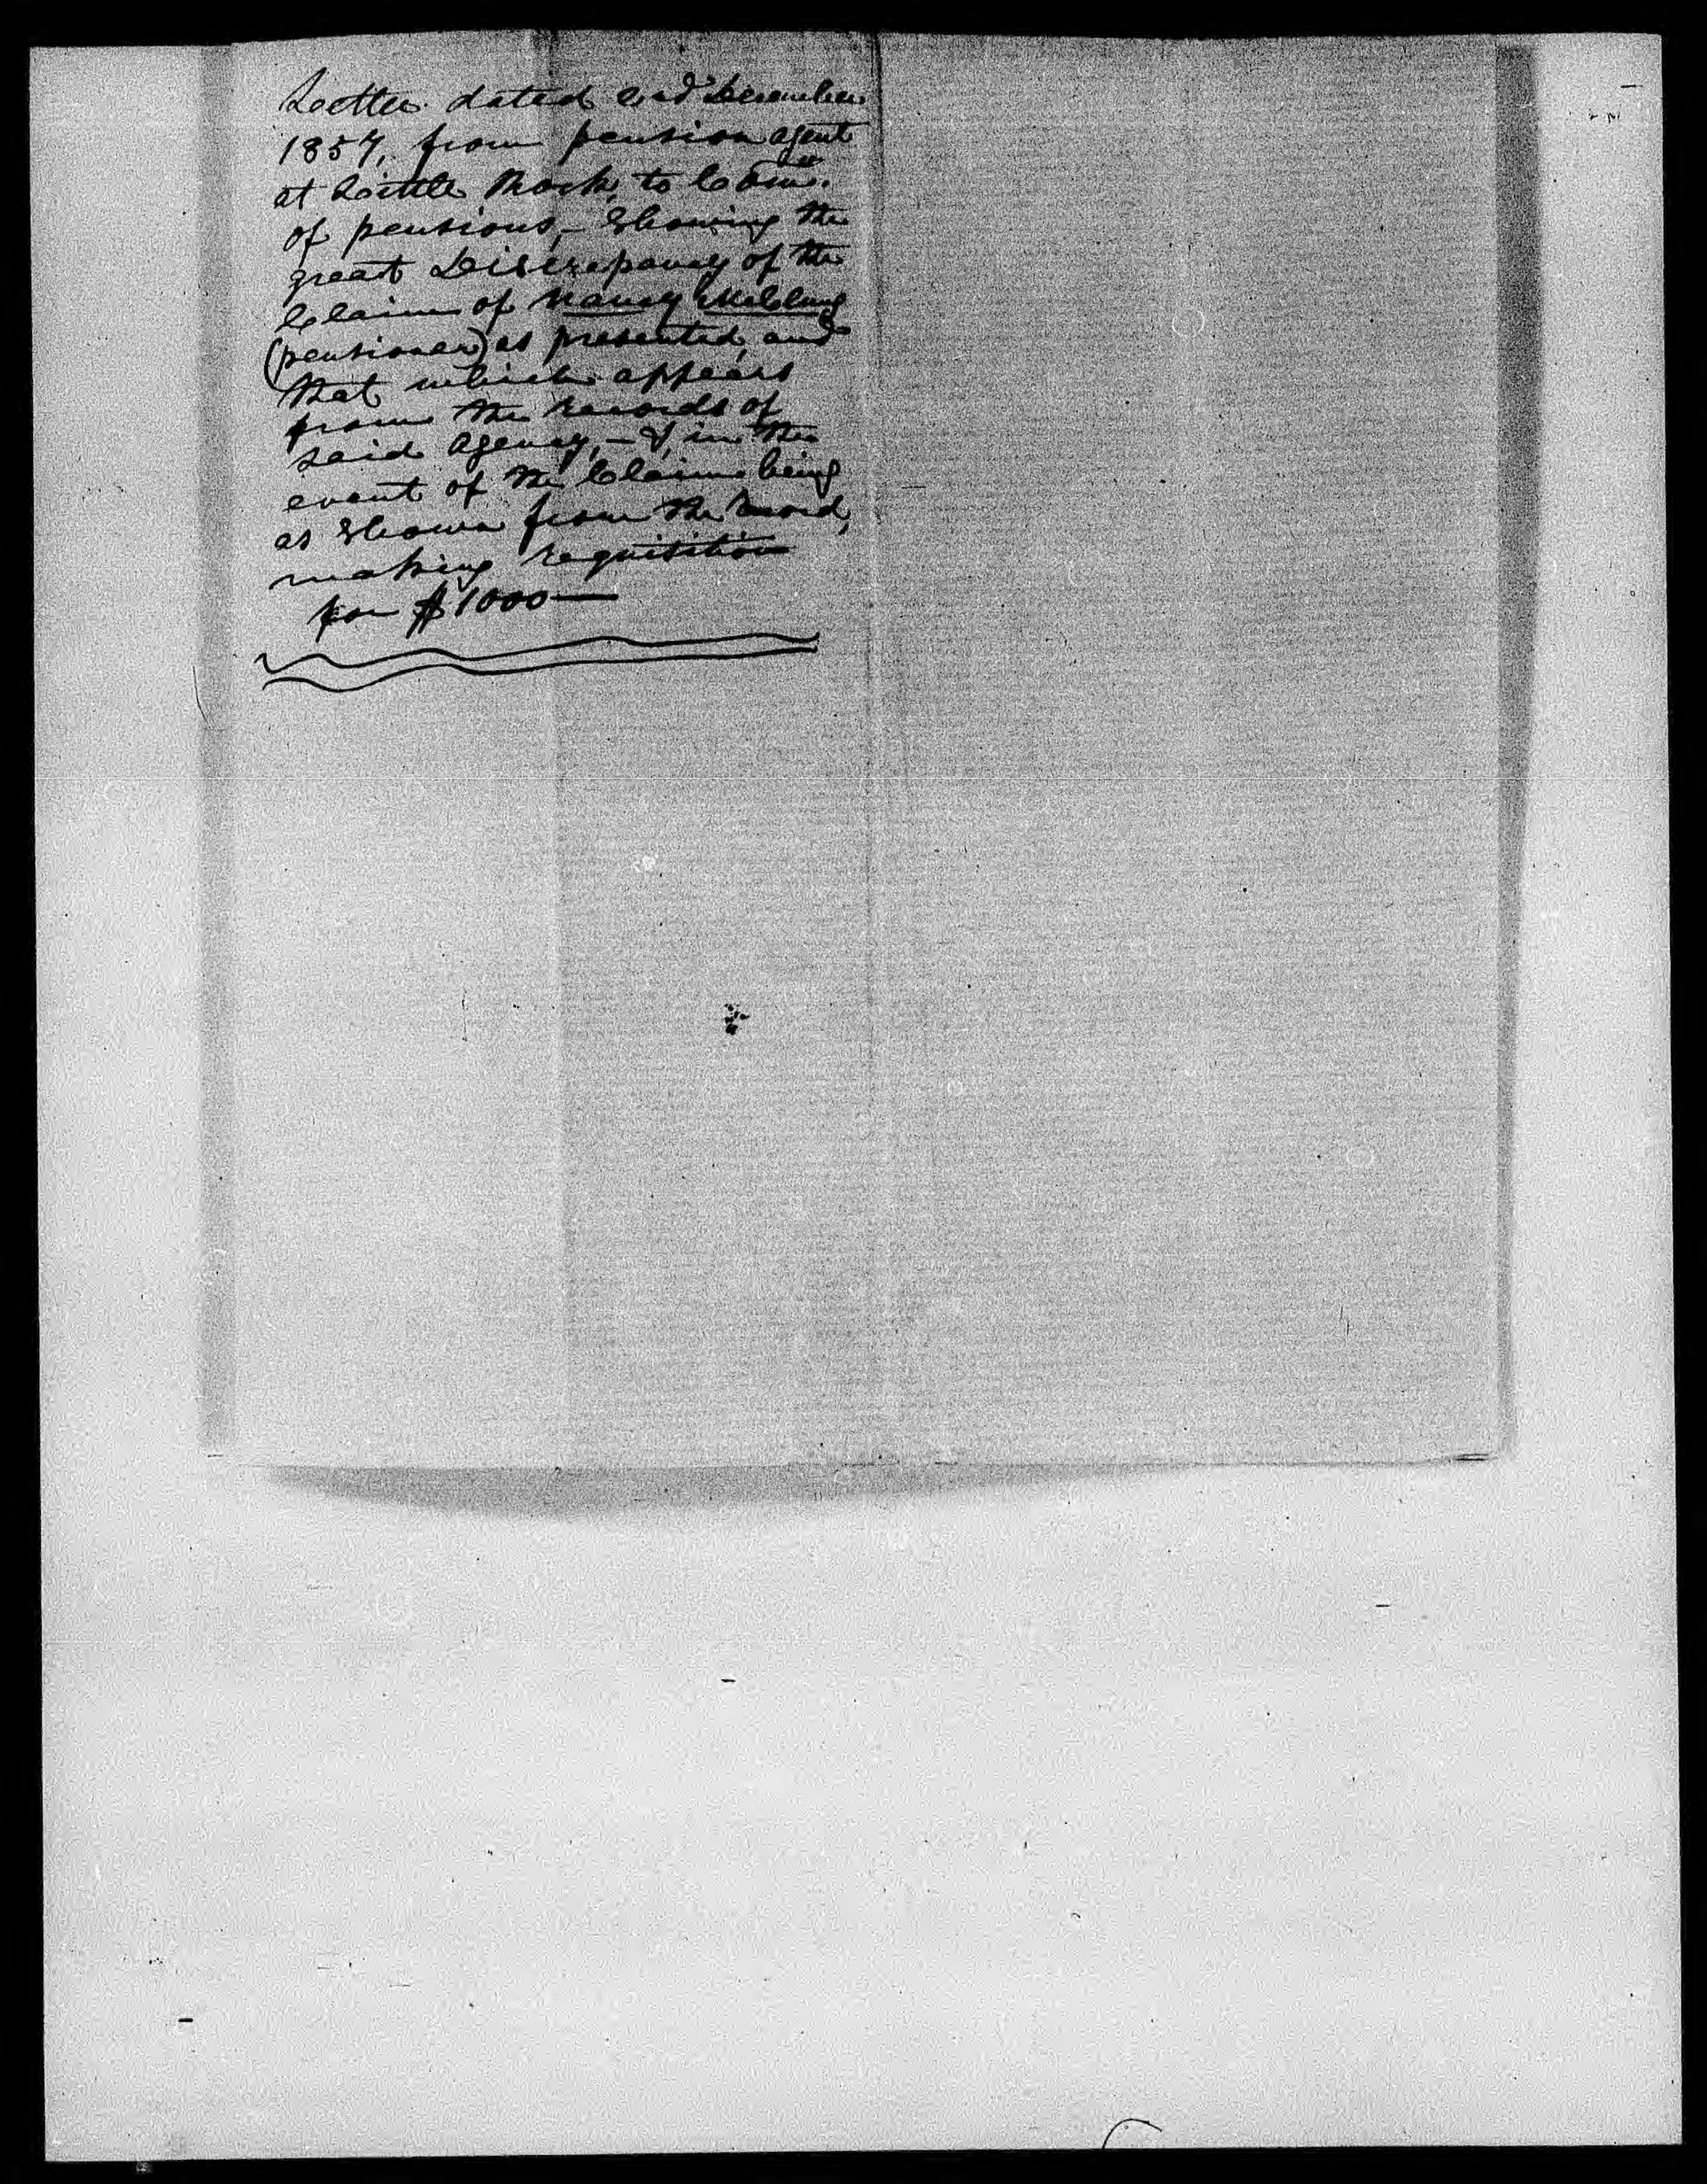Letter dated [illlegible] December
1857, from pension agent
at Little Rock to Com.
of pension,_ showing the
great discrepancy of the
Claim of Nancy McClung
(pensioner) as presented and
not which appears
from the records of
said agency, - & in this 
event of the Claim being
as shown from the record,
making requisition
for $1000 -----
=====================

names: Nancy Mc Clung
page: 98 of 115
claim: widow's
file: W. 1446, for John Mc Clung, South Carolina